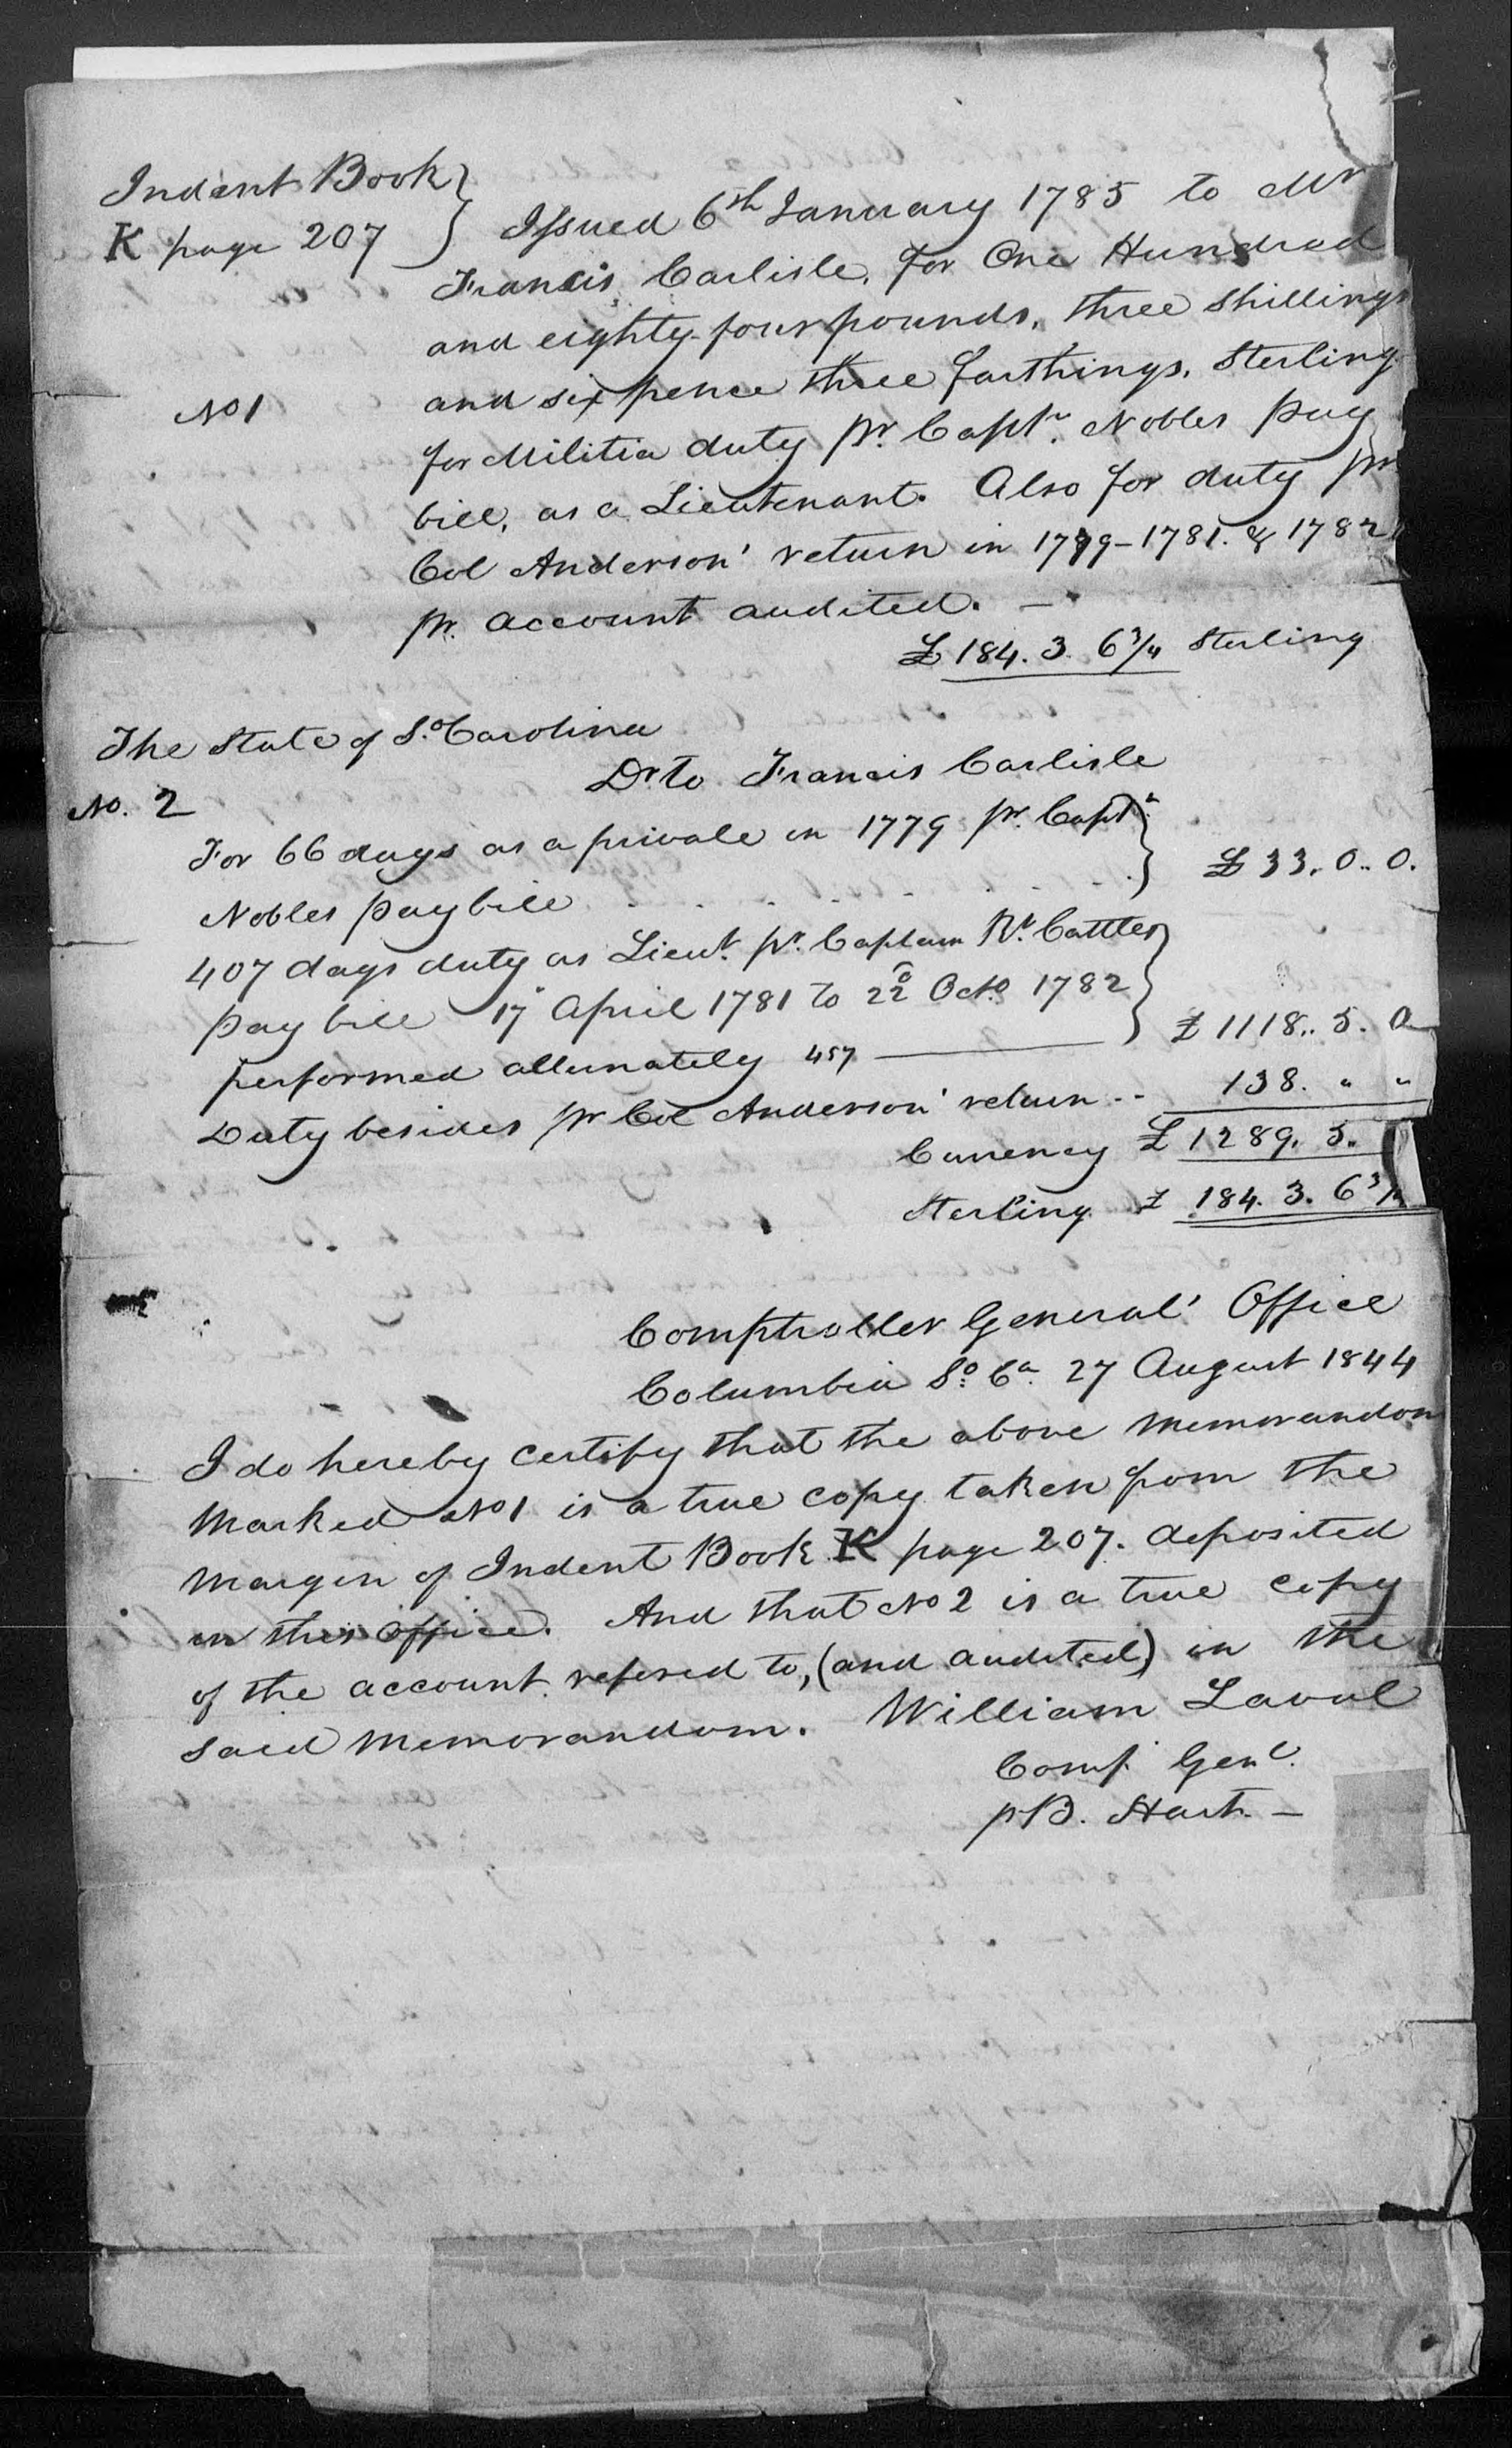Indent Book K page 207 No 1
Issued 6th January 1785 to Mr. Francis Carlisle for One Hundred and eighty four pounds three shillings and six pence three farthings, Sterling for Militia duty pr Capt. Nobles pay bill, as a Lieutenant also for duty pr Col Anderson return in 1779-1781 & 1782 per account audited.
£ 184.36¾ Sterling

The State of S. Carolina
No. 2 Dr to Francis Carlisle
For 66 days as a private in 1779 pr Capt Nobles pay bill  £ 33.0.0
407 days duty as Lieut pr Captain R. Catter pay bill 17 April 1781 to 22 Octo 1782 performed alternately 457 £ 1118.5.0
Duty besides pr  Col Anderson return 138.0.0
Currency £ 1289.5.0
Sterling £ 184.3.6¾ 

Comptroller General Office
Columbia So Ca 27 August 1844
I do hereby certify that the above memorandum marked A is a true copy taken from the margin of Indent Book K page 207, deposited in this office. And that No 2 is a true copy of the account referred to, (and audited) in the said Memorandum
William Laval
Comp Genl
by B. Hart -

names: Francis Carlisle, Noble, P B Hart, Noble, Francis Carlisle, William Laval, Cattle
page: 28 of 91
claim: widow's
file: W. 10576, Francis Carlisle, S.C.